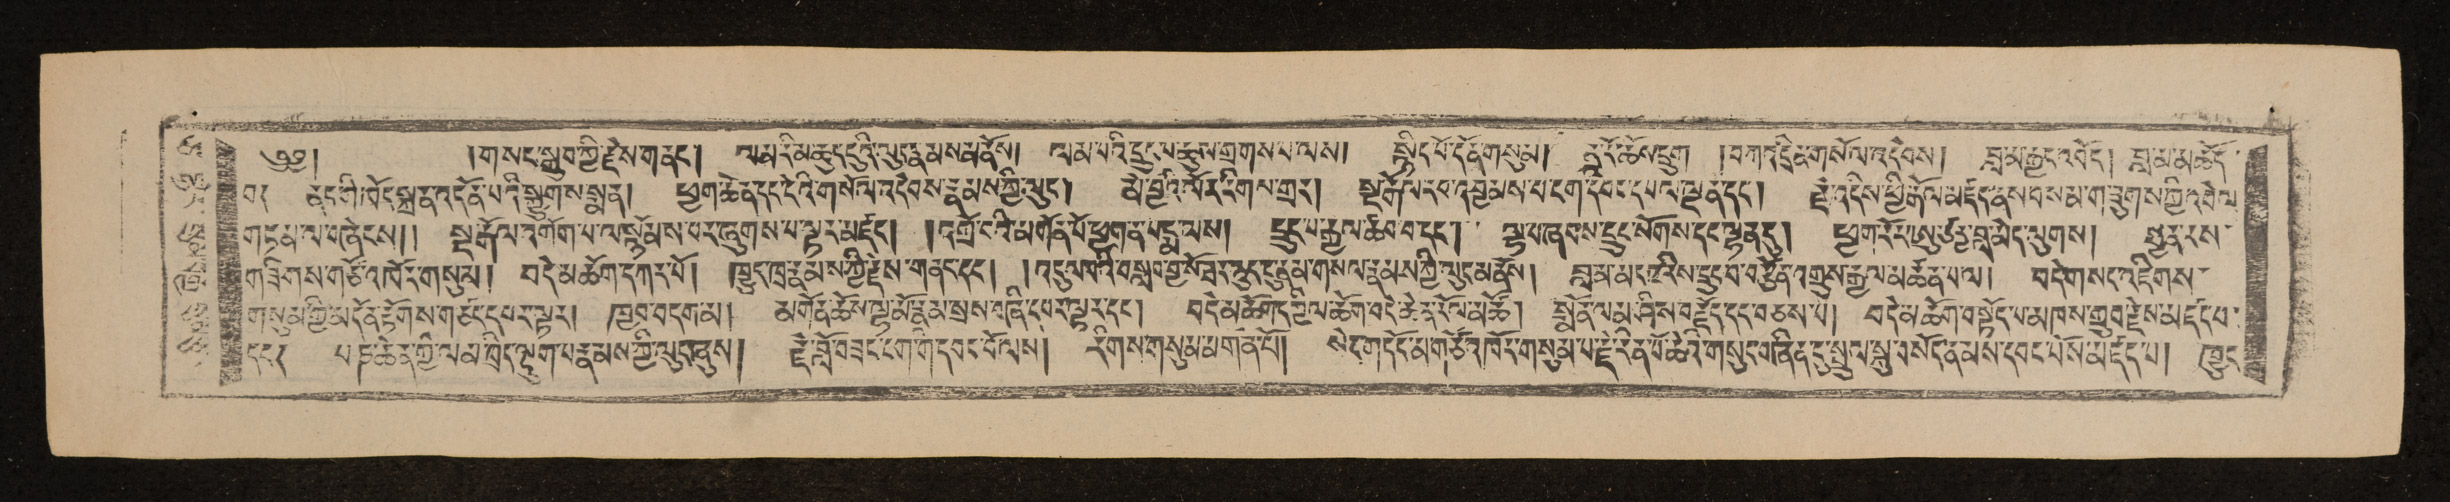༄༅། །གསང་སྒྲུབ་ཀྱི་རྗེས་གནང་། ལམ་རིམ་ཆུང་ངུའི་ལུང་རྣམས་མནོས། ལམ་པའི་དྲུང་པ་ཚུལ་གྲགས་པ་ལས། སྙིང་པོ་དོན་གསུམ། ནཱ་རོ་ཆོས་དྲུག །བཀའ་དྲིན་གསོལ་འདེབས། བླ་མ་རྒྱང་འབོད། བླ་མ་མཆོད་
པ༑ ནང་གི་ཁོང་སྐྲན་འདོན་པའི་སྐྱུགས་སྨན། ཕྱག་ཆེན་དང་དེའི་གསོལ་འདེབས་རྣམས་ཀྱི་ལུང་། མེ་བྱའི་ལོར་རིགས་གྲར། སྔ་རྒོལ་རབ་འབྱམས་པ་ངག་དབང་དཔལ་ལྡན་དང་། རྗེ་འདིས་ཕྱི་རྒོལ་མཛད་ནས་བསམ་གཟུགས་ཀྱི་འབེལ་
གཏམ་ལ་བཞེངས། སྔ་རྒོལ་འགོག་པ་ལ་སྙོམས་པར་ཞུགས་པ་ལྟར་མཛད། འགྲོ་བའི་མགོན་པོ་ཕྱག་ན་པདམ་ལས། དྲུང་པ་རྒྱལ་ཚབ་པ་དང་། ལྷ་པ་ཞབས་དྲུང་སོགས་དང་ལྷན་དུ། ཕྱག་རྡོར་ཨུ་ཙརྱ་བླ་མེད་ལུགས། སྤྱན་རས་
གཟིགས་གཙོ་འཁོར་གསུམ། བདེ་མཆོག་དཀར་པོ། ཁྱུང་ཁྲ་རྣམས་ཀྱི་རྗེས་གནང་དང་། འདུལ་བའི་བསླབ་བྱ་སོ་ཐར་ཉུང་ངུ་རྣམ་གསལ་རྣམས་ཀྱི་ལུང་མནོས། བླ་མ་མངའ་རིས་དྲུང་པ་བརྩོན་འགྲུས་རྒྱལ་མཚན་པ་ལ། བདེ་གསང་འཇིགས་
གསུམ་གྱི་མངོན་རྟོགས་གཙང་དབར་ལྟར། ཁྱབ་བདག་མ། མགོན་ཆོས་ལྷ་མོ་རྣམ་སྲས་བཞི་དཔར་ལྟར་དང་། བདེ་མཆོག་དཀྱིལ་ཆོག་བདེ་ཆེན་རོལ་མཚོ། སྨོན་ལམ་ཤིས་བརྗོད་དང་བཅས་པ། བདེ་མཆོག་བསྟོད་པ་མཁས་གྲུབ་རྗེས་མཛད་པ་
དང༑ པཎ་ཆེན་གྱི་ལམ་ཁྲིད་ལྷུག་པ་རྣམས་ཀྱི་ལུང་ཞུས། རྗེ་བློ་བཟང་ངག་གི་དབང་པོ་ལས། རིགས་གསུམ་མགོན་པོ། སེང་གདོང་མ་གཙོ་འཁོར་གསུམ་པ་རྗེ་རིན་པོ་ཆེའི་གསུང་བཞིན་དུ་སྤྲུལ་སྐུ་བསོད་ནམས་དབང་པོས་མཛད་པ། ཁྱུང་